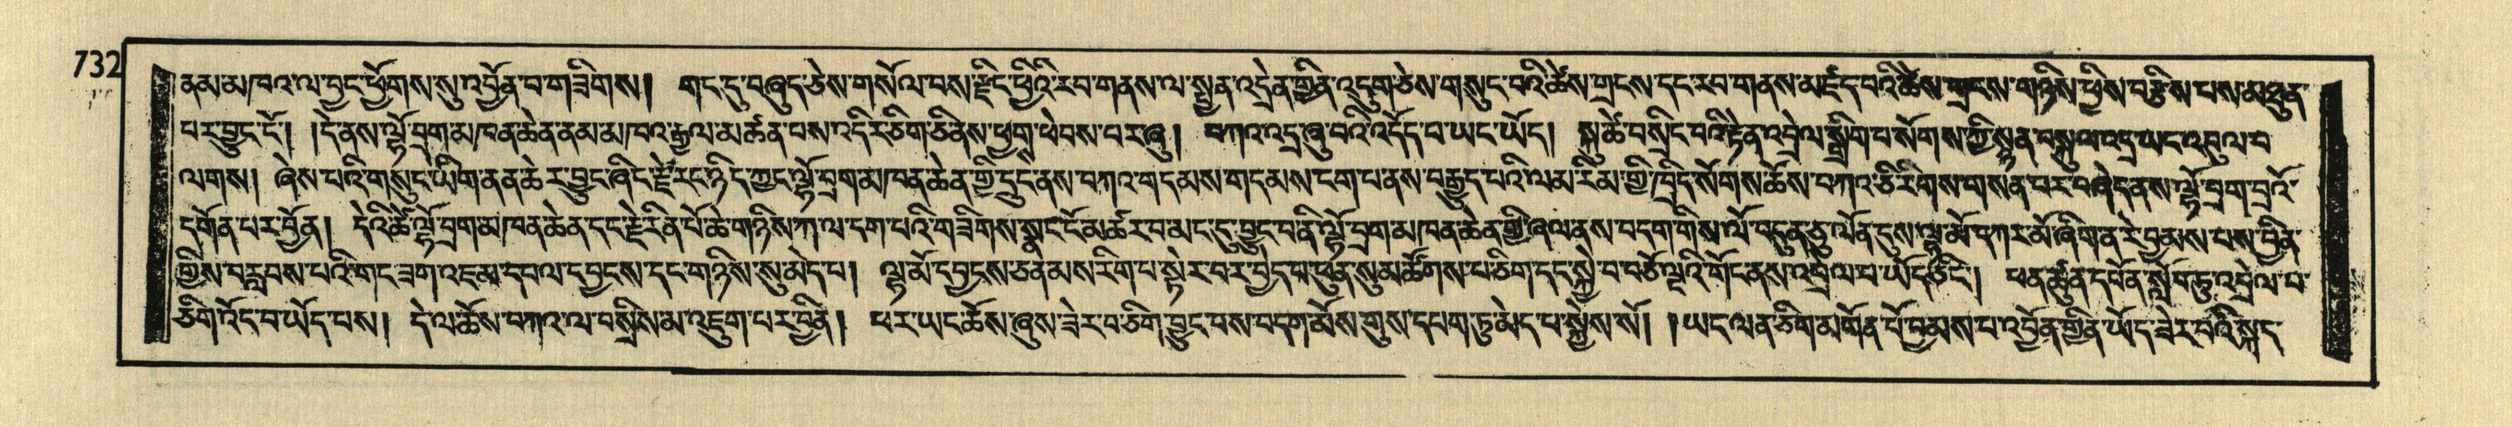ནམ་མཁའ་ལ་བྱང་ཕྱོགས་སུ་འབྱོན་བ་གཟིགས། གང་དུ་བཞུད་ཅེས་གསོལ་བས་རྫིང་ཕྱིའི་རབ་གནས་ལ་སྤྱན་འདྲེན་གྱིན་འདུག་ཅེས་གསུང་བའི་ཚེས་གྲངས་དང་རབ་གནས་མཛད་པའི་ཚེས་གྲངས་གཉིས་ཕྱིས་བརྩིས་པས་མཐུན་
པར་བྱུང་ངོ། །དེ་ནས་ལྷོ་བྲག་མཁན་ཆེན་ནམ་མཁའ་རྒྱལ་མཚན་པས་འདིར་ཅིག་ཅི་ནས་ཕྱགས་ཕེབས་པར་ཞུ། བཀའ་འདྲ་ཞུ་བའི་འདོད་པ་ཡང་ཡོད། སྐུ་ཚེ་བསྲིང་བའི་རྟེན་འབྲེལ་སྒྲིག་པ་སོགས་ཀྱི་སྙན་བསྐུལ་འདྲ་ཡང་འབུལ་བ་
ལགས། ཞེས་པའི་གསུང་ཡིག་ནན་ཆེར་བྱུང་ཞིང་རྗེ་རང་ཉིད་ཀྱང་ལྷོ་བྲག་མཁན་ཆེན་གྱི་དྲུང་ནས་བཀའ་གདམས་གདམས་ངག་པ་ནས་བརྒྱུད་པའི་ལམ་རིམ་གྱི་ཁྲིད་སོགས་ཆོས་བཀའ་ཅི་རིགས་གསན་པར་བཞེད་ནས་ལྷོ་བྲག་བྲའོ་
དགོན་པར་བྱོན། དེའི་ཚེ་ལྷོ་བྲག་མཁན་ཆེན་དང་རྗེ་རིན་པོ་ཆེ་གཉིས་ཀ་ལ་དག་པའི་གཟིགས་སྣང་ངོ་མཚར་བ་མང་དུ་བྱུང་བ་ནི་ལྷོ་བྲག་མཁན་ཆེན་གྱི་ཞལ་ནས་བདག་གིས་ལོ་བདུན་ཅུ་ལོན་དུས་ལྷ་མོ་དཀར་མོ་ཞིག་ན་རེ་བྱམས་པས་བྱིན་
གྱིས་བརླབས་པའི་གང་ཟག་འཇམ་དཔལ་དབྱངས་དང་གཉིས་སུ་མེད་པ། ལྷ་མོ་དབྱངས་ཅན་མས་རིག་པ་སྟེར་བར་བྱེད་པ་ཕུན་སུམ་ཚོགས་པ་ཅིག་དང་སྐྱེ་བ་བཅོ་ལྔའི་གོང་ནས་འབྲེལ་པ་ཡོད་ཅིང་། ཕན་ཚུན་དཔོན་སློབ་ཏུ་འབྲེལ་པ་
ཅིག་འོང་བ་ཡོད་པས། དེ་ལ་ཆོས་བཀའ་ལ་བསྲིས་མ་འཇུག་པར་བྱིན། ཕར་ཡང་ཆོས་ཞུས་ཟེར་བ་ཅིག་བྱུང་བས་བདག་མོས་གུས་དཔག་ཏུ་མེད་པ་སྐྱེས་སོ། །ཡང་ལན་ཅིག་མགོན་པོ་བྱམས་པ་འབྱོན་གྱིན་ཡོད་ཟེར་བའི་སྐད་